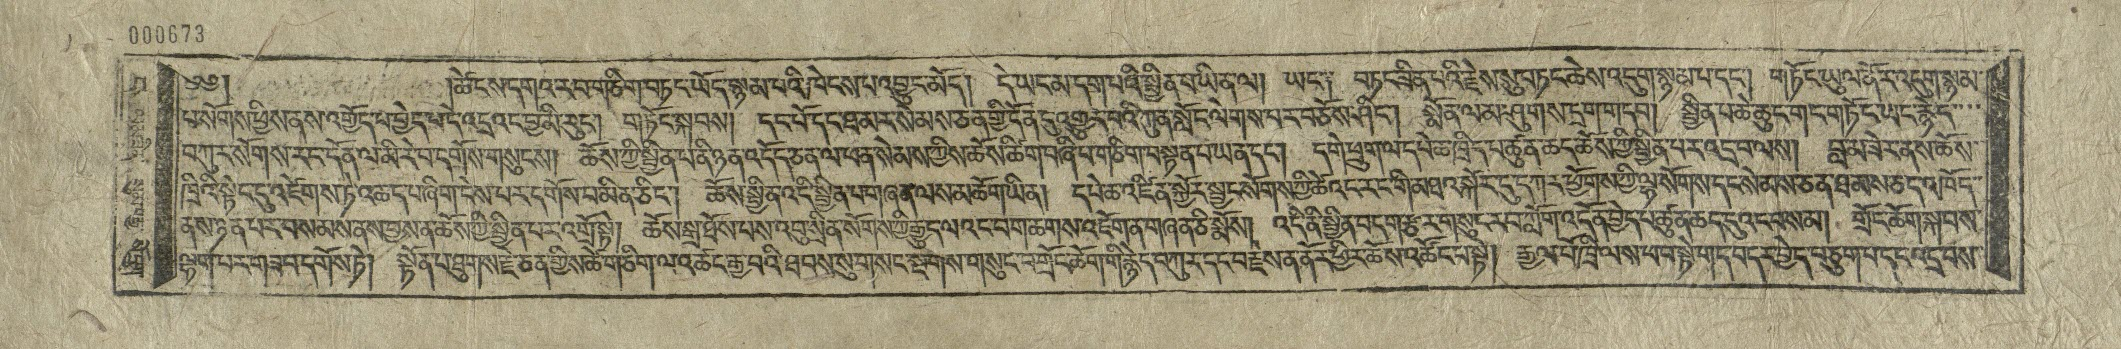༄༅། །ཚེ་ངས་དགའ་རབ་གཅིག་བཏང་ཡོད་སྙམ་པའི་ཁེངས་པ་འབྱུང་མོད། དེ་ཡང་མ་དག་པའི་སྦྱིན་པ་ཡིན་ལ། ཡང༑ བཏང་ཟིན་པའི་རྗེས་སུ་བཏང་ཆེས་འདུག་སྙམ་པ་དང་། གཏོང་ཡུལ་ནོར་འདུག་སྙམ་
པ་སོགས་ཕྱིས་ནས་འགྱོད་པ་བྱེད་པ་དེ་འདྲའང་བྱ་མི་རུང་། གཏོང་སྐབས། དང་པོ་དང་ཐ་མར་སེམས་ཅན་གྱི་དོན་དུ་འགྱུར་བའི་ཀུན་སློང་ལེགས་པར་བཅོས་ཤིང་། སྨོན་ལམ་ཤུགས་དྲག་གདབ། སྦྱིན་པ་ཆེ་ཆུང་གང་གཏོང་ཡང་རྙེད་
བཀུར་སོགས་རང་དོན་ལ་མི་རེ་བ་དགོས་གསུངས། ཆོས་ཀྱི་སྦྱིན་པ་ནི་ཉན་འདོད་ཅན་ལ་ཕན་སེམས་ཀྱིས་ཆོས་ཚིག་བཞི་པ་གཅིག་བསྟན་པ་ཡན་དང་། དགེ་ཕྲུག་ལ་དཔེ་ཆ་ཁྲིད་པ་ཚུན་ཆད་ཆོས་ཀྱི་སྦྱིན་པར་འདྲ་བ་ལས། བླ་མ་ཟེར་ནས་ཆོས་
ཁྲིའི་སྟེང་དུ་འཛེགས་ཏེ་འཆད་པ་ཞིག་ངེས་པར་དགོས་པ་མིན་ཅིང་། ཆོས་སྦྱིན་འདི་སྦྱིན་པ་གཞན་ལས་མཆོག་ཡིན། དཔེ་ཆ་འཛིན་སྐྱོར་སྦྱང་སོགས་ཀྱི་ཚེའང་རང་གི་མཐའ་སྐོར་དུ་དཀར་ཕྱོགས་ཀྱི་ལྷ་སོགས་དང་སེམས་ཅན་ཐམས་ཅད་འཁོད་
ནས་ཉན་པར་བསམས་ནས་བྱས་ན་ཆོས་ཀྱི་སྦྱིན་པར་འགྲོ་སྟེ། ཆོས་སྒྲ་ཐོས་པས་འབུ་སྲིན་སོགས་ཀྱི་རྒྱུད་ལའང་བག་ཆགས་འཛེག་ན་གཞན་ཅི་སྨོས། འདི་ནི་སྦྱིན་བདག་རྩར་གསུང་རབ་ཀློག་འདོན་བྱེད་པ་ཚུན་ཆད་དུའང་བསམ། གྲོང་ཆོག་སྐབས་
ལྷག་པར་གཟབ་དགོས་ཏེ། སྟོན་པ་ཐུགས་རྗེ་ཅན་གྱིས་ཚེ་གཅིག་ལ་འཚང་རྒྱ་བའི་ཐབས་སུ་གསང་སྔགས་གསུང་བ་གྲོང་ཆོག་གི་རྙེད་བཀུར་དང་བརྗེས་ན་ནོར་ཕྱིར་ཆོས་འཚོང་པ་སྟེ། རྒྱལ་པོ་ཁྲི་ལས་ཕབ་སྟེ་གད་བདར་བྱེད་བཅུག་པ་དང་འདྲ་བས་